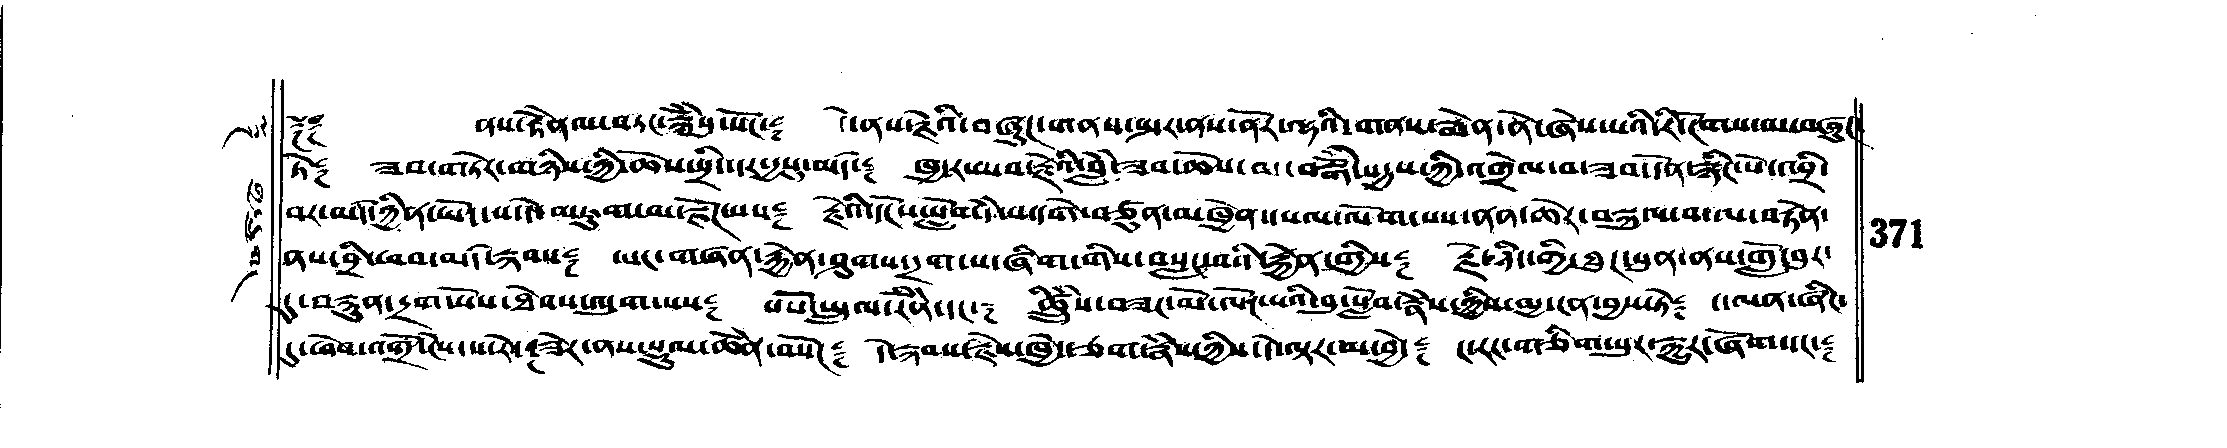ནས་རྟེན་འབྲེལ་བཏང་སྙོམས་སུ་སོང་། དེ་ནས་རྗེའི་བཞུགས་གནས་སྤར་ནས་ནོར་ལྷའི་གནས་སྨེན་ནེ་ཞེས་པའི་རི་ངོགས་ལ་བཞུགས་
ཏེ། ཟབ་གཏེར་གཉིས་ཀྱི་ཆོས་སྲིད་དར་རྒྱས་སུ་མཛད། ཁྱད་པར་ཡབ་རྗེ་བླ་མའི་ཟབ་ཆོས་མ་བསྒོམ་སངས་རྒྱས་ཀྱི་འགྲེལ་བ་ཟབ་དོན་སྙིང་པོ་འབྲི་
བར་མཛད་ཀྱིན་ཡོད་པ་དེ་མཇུག་མ་རྫོགས་པས། རྗེའི་དངོས་སློབ་དམ་པ་དགེ་བཙུན་མཁྱེན་དཔལ་ལེགས་པས་ནན་ཆེར་བསྐུལ་བ་ལ་བརྟེན་
ནས་བྲི་ཕབ་མཛད་སྐབས།ཡང་གཞན་རྐྱེན་ཤུགས་དྲག་པ་ཞིག་གིས་བསླང་བའི་རྐྱེན་གྱིས། རྗེ་ཉིད་ཀྱི་ཐུགས་སུན་ནས་གློ་བུར་
དུ་བསྙུན་དྲག་པོས་ཐེབས་འདུག་པས། བསོ་སྤྲུལ་རིན་པོ་ཆེ་དང་། ཚུལ་ཁྲིམས་བཟང་མོ་ལ་སོགས་པའི་བུ་སློབ་རྣམས་ཀྱིས་མྱ་ངན་བྱས་ཏེ། ད་ལན་ཞིང་
དུ་ཕེབས་འགྲོ་ངེས་པ་རེད། ཟེར་ནས་སྡུག་བསྔལ་ཆེན་པོ་བསོགས། དེ་སྐབས་རྗེས་ཁྱེད་ཅག་རྣམས་ཀྱིས་དེ་ལྟར་མ་བྱེད། ང་རང་གཅིག་པུར་སྐྱུར་ཞོག་དང་།